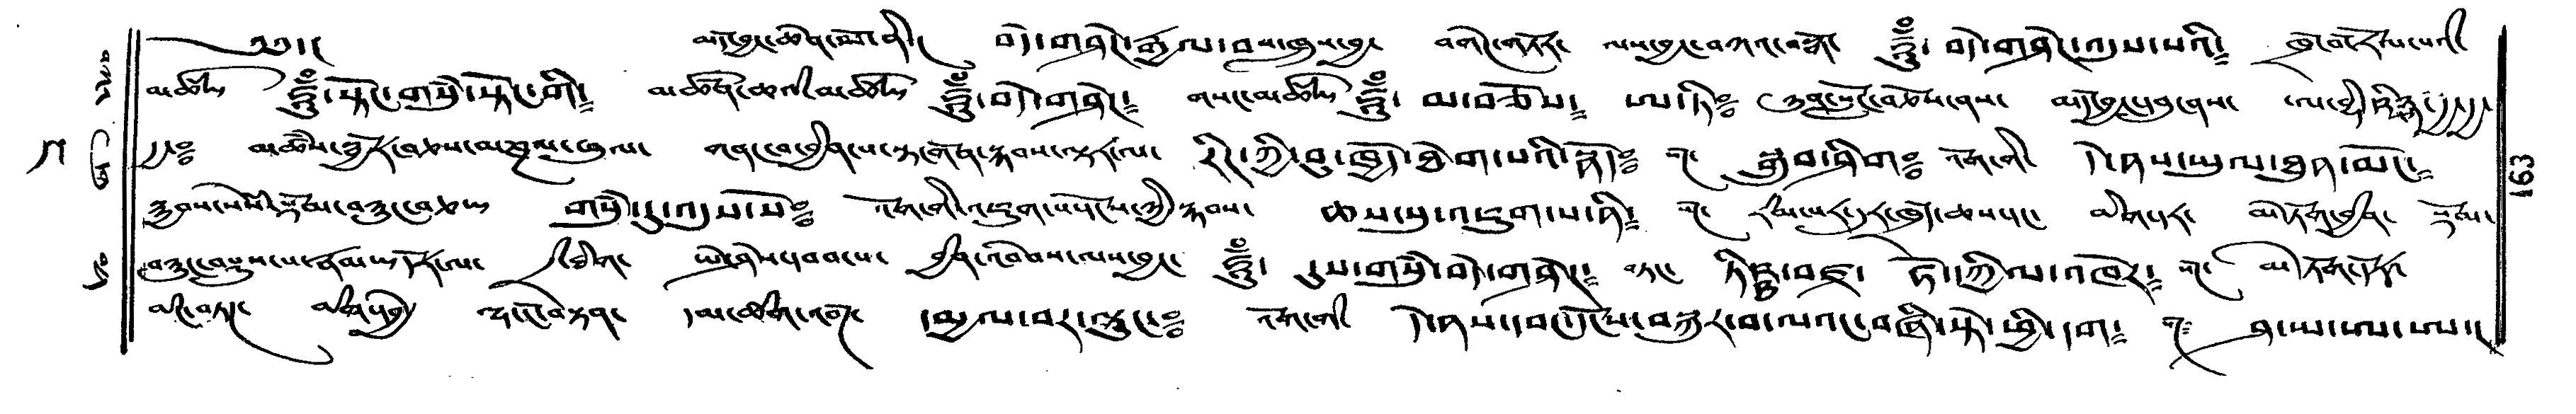མདོ་བྱང་ཆེན་མོ་ནི། བདེ་གཤེགས་རྒྱལ་བ ས་ཁྲུས་བྱ། བགེགས་གཏོར། ལས་བྱང་བཀའ་བསྒོ། ཧཱུྃ༔ བདེ་གཤེགས་འདུས་པའི༴ ཁྲོ་བོ་རོལ་པའི་
མཚམས། ཧཱུྃ༔ སྟོང་གསུམ་སྟོང་གི༴ མཚོན་ཆའི་མཚམས། ཧཱུྃ༔ བདེ་གཤེགས༴ གསང་མཚམས། ཧཱུྃ༔ མ་བཅོས༴ ཨ་ཏི༔ ཀུན་སློང་བཅོས་ནས། མདོ་བྱང་དབུ་ནས། ཨ་བྷི་རིཉྩ་རྒྱ་རྒྱ་
རྒྱ༔ མཚམས་སྦྱོར་བཅས་མཎྜལ་ཕུལ། གནང་བ་སྦྱིན་པ་སྟ་གོན་སྐབས་ལྟར་ལ། རིགས་ཀྱི་བུ་ཁྱོད་ཐེག་པའི་སྣོད༔ སོགས། སྒྲུབས་ཤིག༔ འོག་གི དེ་ནས་ཡུལ་ཐུན་མོང་༴ 
སྐྱབས་སེམས་སྡོམ་གཟུང་བཅས། གསུམ་དུ་འདུས་སོ༔ འོག་གི་འཇུག་པ་དངོས་ཀྱི་སྐབས། ཆས་སུ་འཇུག་པ་ནི༴ སོགས། རིམ་པར་དུར་ཁྲོད་ཆས་དང་། མིག་དར། མེ་ཏོག་བྱིན། སྡོམ་
གཟུང་བསྡུས་པ་རྣམས་དོར་ལ། དྲི་ཐིག ཡེ་ཤེས་དབབ་པ། བྱིན་འབེབས་ལས་བྱང་། ཧཱུྃ༔ དུས་གསུམ་བདེ་གཤེགས༴ བཏང་། ཏིཥྛ་བཛྲ༔ ཧོ༔ དཀྱིལ་འཁོར༴ སོགས། མེ་ཏོག་དོར། 
མིང་གདགས། མིག་དབྱེ། ལྷ་ངོ་བསྟན། དམ་ཚིག་འབེགས། དམྱལ་བར་ལྟུང༔ འོག་གི དེ་ནས་དབང་དངོས་སྐུར་བ་ལའང་བཞི་སྟེ་ཕྱི་དག༴ སོགས། ཤ་ཡ་ཨ་ཨ༔